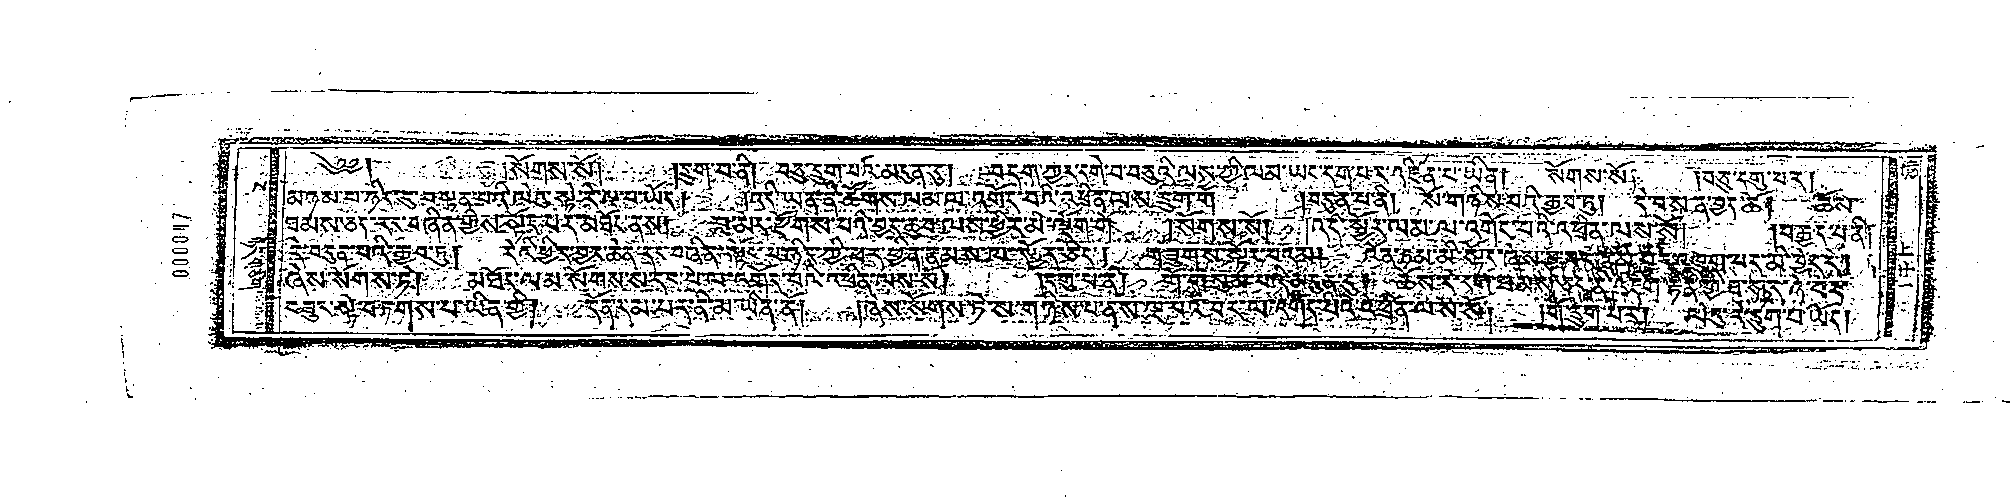༄༅། །སོགས་སོ། །དྲུག་བ་ནི། བཅུ་དྲུག་པའི་མདུན་དུ། བདག་ཀྱང་དགེ་བ་བཅུའི་ལས་ཀྱི་ལམ་ཡང་དག་པར་འཛིན་པ་ཡིན། སོགས་སོ། །བཅུ་དགུ་པར།
མཉམ་པ་ཉིད་དུ་བསྟན་པའི་ལེའུ་སྟེ་དེ་ལྔ་པ་ཡོད། །འདི་ཡན་ནི་ཚོགས་ལམ་ལ་འགོད་བའི་འཕྲིན་ལས་དྲུག་གོ །བདུན་པ་ནི། སོ་གཉིས་པའི་རྒྱབ་ཏུ། དེ་བས་ན་བྱང་ཚེ། ཆོས་
ཐམས་ཅད་རང་བཞིན་གྱིས་སྟོད་པར་མཐོང་ནས། བླ་མེད་རྫོགས་པའི་བྱང་ཆུབ་ལས་ཕྱིར་མི་ལྡོག་གོ །སོགས་སོ། །འདི་སྦྱོར་ལམ་ལ་འགོད་པའི་འཕྲིན་ལས་སོ། །བརྒྱད་པ་ནི།
རེ་བདུན་བའི་རྒྱབ་ཏུ། རེའི་ཕྱིར་བྱང་ཆེན་རང་བཞིན་སྟོང་པ་ཉིད་ཀྱི་ཕར་ཕྱིན་རྣམས་ལ་སྤྱོད་ཅིང་། གཟུགས་སྟོང་པའམ། འོན་ཏམ་མི་སྟོང་ཞེས་བྱ་བར་རྣམ་བར་འཁྲུག་པར་མི་བྱེད་དེ། །
ཞེས་སོགས་ཏེ། མཐོང་ལམ་སོགས་ས་དད་པོ་ལ་འགོད་བའི་འཕྲིན་ལས་སོ། །དགུ་པ་ནི། གོ་གསུམ་པའི་མདུན་དུ། ཆོས་དེ་དག་ཐམས་ཅད་ནི་འཇིག་རྟེན་གྱི་ཐ་སྙད་ཉེ་བར་
བཟུང་སྟེ་བཏགས་པ་ཡིན་གྱི། དོན་དམ་པར་ནི་མ་ཡིན་ནོ། །ཞེས་སོགས་ཏེ་ས་གཉིས་པ་ནས་ལྔ་པའི་བར་ལ་འགོད་པའི་འཕྲིན་ལས་སོ། །གོ་དྲུག་པར། ལེའུ་རེ་དྲུག་པ་ཡོད།